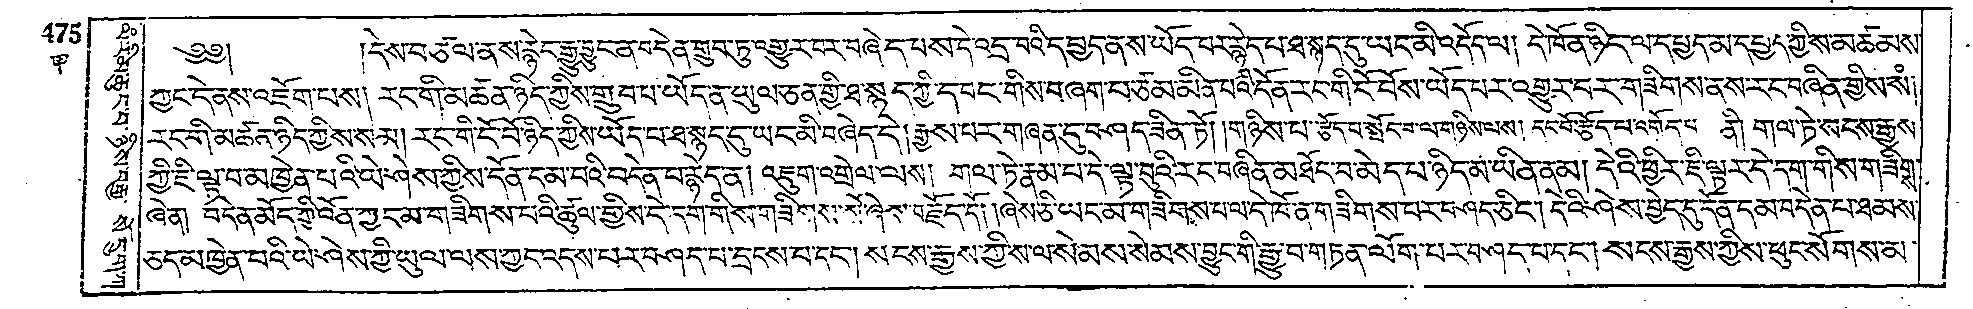༄༅། །དེས་བཙལ་ནས་རྙེད་རྒྱུ་བྱུང་ན་བདེན་གྲུབ་ཏུ་འགྱུར་བར་བཞེད་པས་དེ་འདྲ་བའི་དཔྱད་ནས་ཡོད་པར་རྙེད་པ་ཐ་སྙད་དུ་ཡང་མི་འདོད་ལ། དེ་ཁོ་ན་ཉིད་ལ་དཔྱད་མ་དཔྱད་ཀྱིས་མཚམས་
ཀྱང་དེ་ནས་འཇོག་པས། རང་གི་མཚན་ཉིད་ཀྱིས་གྲུབ་པ་ཡོད་ན་ཡུལ་ཅན་གྱི་ཐ་སྙད་ཀྱི་དབང་གིས་བཞག་པ་ཙམ་མིན་པའི་དོན་རང་གི་ངོ་བོས་ཡོད་པར་འགྱུར་བར་གཟིགས་ནས་རང་བཞིན་གྱིས་སཾ།
རང་གི་མཚན་ཉིད་ཀྱིས་སམ། རང་གི་ངོ་བོ་ཉིད་ཀྱིས་ཡོད་པ་ཐ་སྙད་དུ་ཡང་མི་བཞེད་དེ། རྒྱས་པར་གཞན་དུ་བཤད་ཟིན་ཏོ། །གཉིས་པརྩོད་པ་སྤོང་བ་ལ་གཉིས་ལས། དང་པོ་རྩོད་པ་འགོད་པནི། གལ་ཏེ་སངས་རྒྱས་
ཀྱི་ཇི་ལྟ་བ་མཁྱེན་པའི་ཡེ་ཤེས་ཀྱིས་དོན་དམ་པའི་བདེན་པ་རྙེད་ན། འཇུག་འགྲེལ་ལས། གལ་ཏེ་རྣམ་པ་དེ་ལྟ་བུའི་རང་བཞིན་མཐོང་བ་མེད་པ་ཉིད་མ་ཡིན་ནམ། དེའི་ཕྱིར་ཇི་ལྟར་དེ་དག་གིས་གཟིགས་
ཞེ་ན། བདེན་མོད་ཀྱི་འོན་ཀྱང་མ་གཟིགས་པའི་ཚུལ་གྱིས་དེ་དག་གིས་གཟིགས་སོ་ཞེས་བརྗོད་དོ། །ཞེས་ཅི་ཡང་མ་གཟིགས་པ་ལ་དེ་ཁོ་ན་གཟིགས་པར་བཤད་ཅིང་། དེའི་ཤེས་བྱེད་དུ་དོན་དམ་བདེན་པ་ཐམས་
ཅད་མཁྱེན་པའི་ཡེ་ཤེས་ཀྱི་ཡུལ་ལས་ཀྱང་འདས་པར་བཤད་པ་དྲངས་པ་དང་། སངས་རྒྱས་ཀྱི་ས་ལ་སེམས་སེམས་བྱུང་གི་རྒྱུ་བ་གཏན་ལོག་པར་བཤད་པ་དང་། སངས་རྒྱས་ཀྱིས་ཕུང་སོགས་མ་